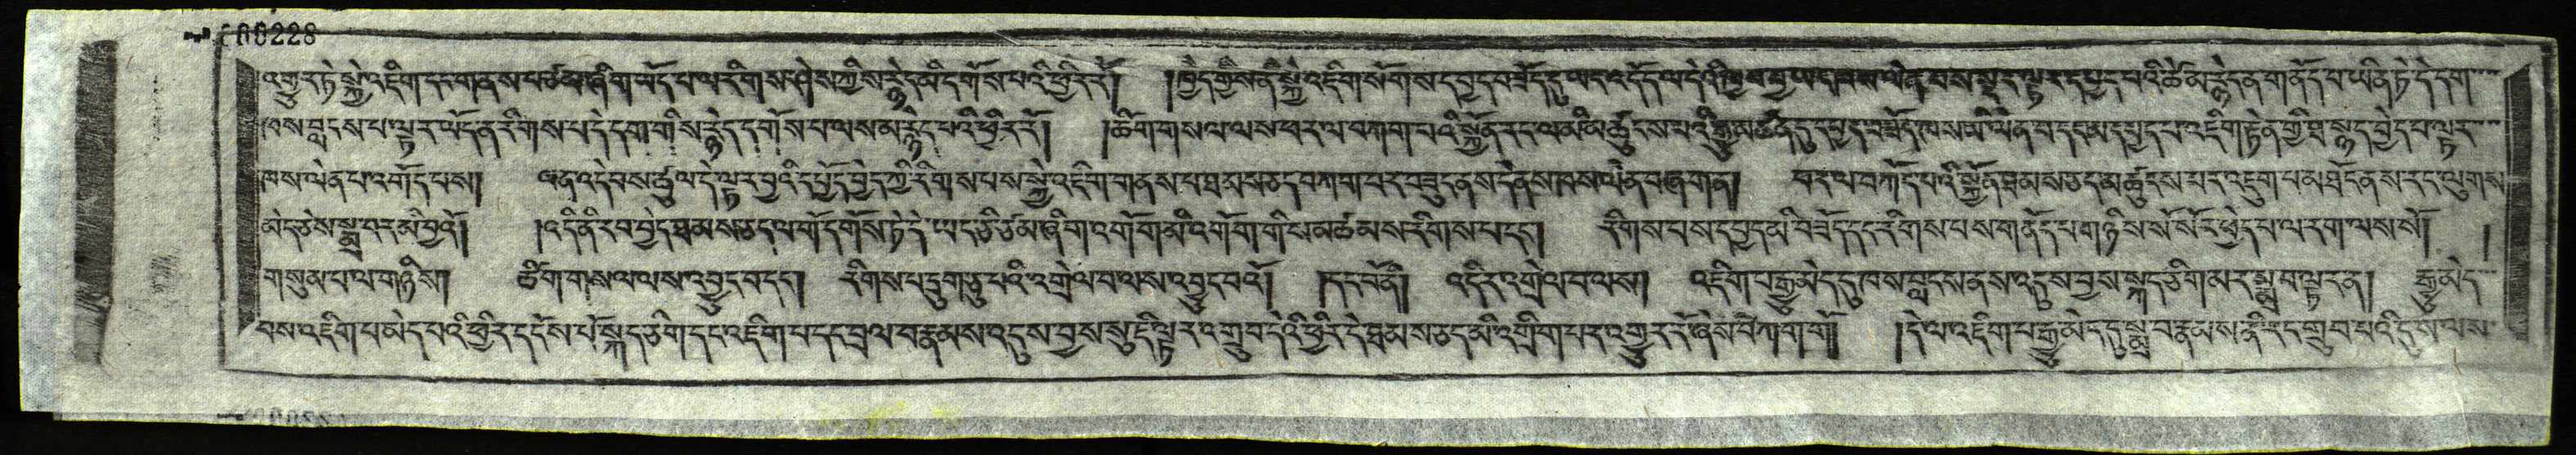འགྱུར་ཏེ་སྐྱེ་འཇིག་དང་གནས་པ་ཙམ་ཞིག་ཡོད་པ་ལ་རིགས་ཤེས་ཀྱིས་རྙེད་མི་དགོས་པའི་ཕྱིར་རོ། །ཁྱེད་གྱིས་ནི་སྐྱེ་འཇིག་སོགས་དཔྱད་བཟོད་དུ་ཡང་འདོད་ལ་དེའི་ཁྱས་བྱ་ཡང་ཁས་ལེན་བས་སྔར་ལྟར་དཔྱད་པའི་ཚེ་མ་རྙེད་ན་གནོད་པ་ཡིན་ཏེ་དེ་དག་
ཁས་བླངས་པ་ལྟར་ཡོད་ན་རིགས་པ་དེ་དག་གིས་རྙེད་དགོས་པ་ལས་མ་རྙེད་པའི་ཕྱིར་རོ། །ཚིག་གསལ་ལས་ཕར་ལ་བཀག་པའི་སྐྱོན་རང་ལ་མི་མཚུངས་པའི་རྒྱུ་མཚན་དུ་དཔྱད་བཟོད་ཁས་མི་ལེན་པ་དང་མ་དཔྱད་པ་འཇིག་རྟེན་གྱི་ཐ་སྙད་བྱེད་པ་ལྟར་
ཁས་ལེན་པ་འགོད་པས། ལན་འདེབས་ཚུལ་དེ་ལྟར་བྱའི་དཔྱོད་བྱེད་ཀྱི་རིགས་པས་སྐྱེ་འཇིག་གནས་པ་ཐམས་ཅད་བཀག་པར་བཟུང་ནས་དེ་ནས་ཁས་ལེན་བཞག་ན། ཕར་ལ་བཀོད་པའི་སྐྱོན་ཐམས་ཅད་མཚུངས་པར་འཇུག་པ་མཐོང་ནས་རང་ལུགས་
མེད་ཅེས་སྨྲ་བར་མི་བྱའོ། །འདི་ནི་རབ་བྱེད་ཐམས་ཅད་ལ་གོ་དགོས་ཏེ་དེ་ཡང་ཅི་ཙམ་ཞིག་འགོག་མི་འགོག་གིས་མཚམས་རིགས་པ་དང་། རིགས་པས་དཔྱད་མི་བཟོད་དང་རིགས་པས་གནོད་པ་གཉིས་སོ་སོར་ཕྱེད་པ་ལ་རག་ལས་སོ། །
གསུམ་པ་ལ་གཉིས། ཚིག་གསལ་ལས་འབྱུང་བ་དང་། རིགས་པ་དྲུག་ཅུ་པའི་འགྲེལ་བ་ལས་འབྱུང་བའོ། །དང་པོ་ནི། འདིར་འགྲེལ་བ་ལས། འཇིག་པ་རྒྱུ་མེད་དུ་ཁས་བླངས་ནས་འདུས་བྱས་སྐད་ཅིག་མར་སྨྲ་བ་ལྟར་ན། རྒྱུ་མེད་
བས་འཇིག་པ་མེད་པའི་ཕྱིར་དངོས་པོ་སྐད་ཅིག་དང་འཇིག་པ་དང་བྲལ་བ་རྣམས་འདུས་བྱས་སུ་ཇི་ལྟར་འགྲུབ་དེའི་ཕྱིར་དེ་ཐམས་ཅད་མི་འགྲིག་པར་འགྱུར་རོ་ཞེས་བཀག་གོ །དེ་ལ་འཇིག་པ་རྒྱུ་མེད་དུ་སྨྲ་བ་རྣམས་ནི་རང་གྲུབ་པའི་དུས་ལས་